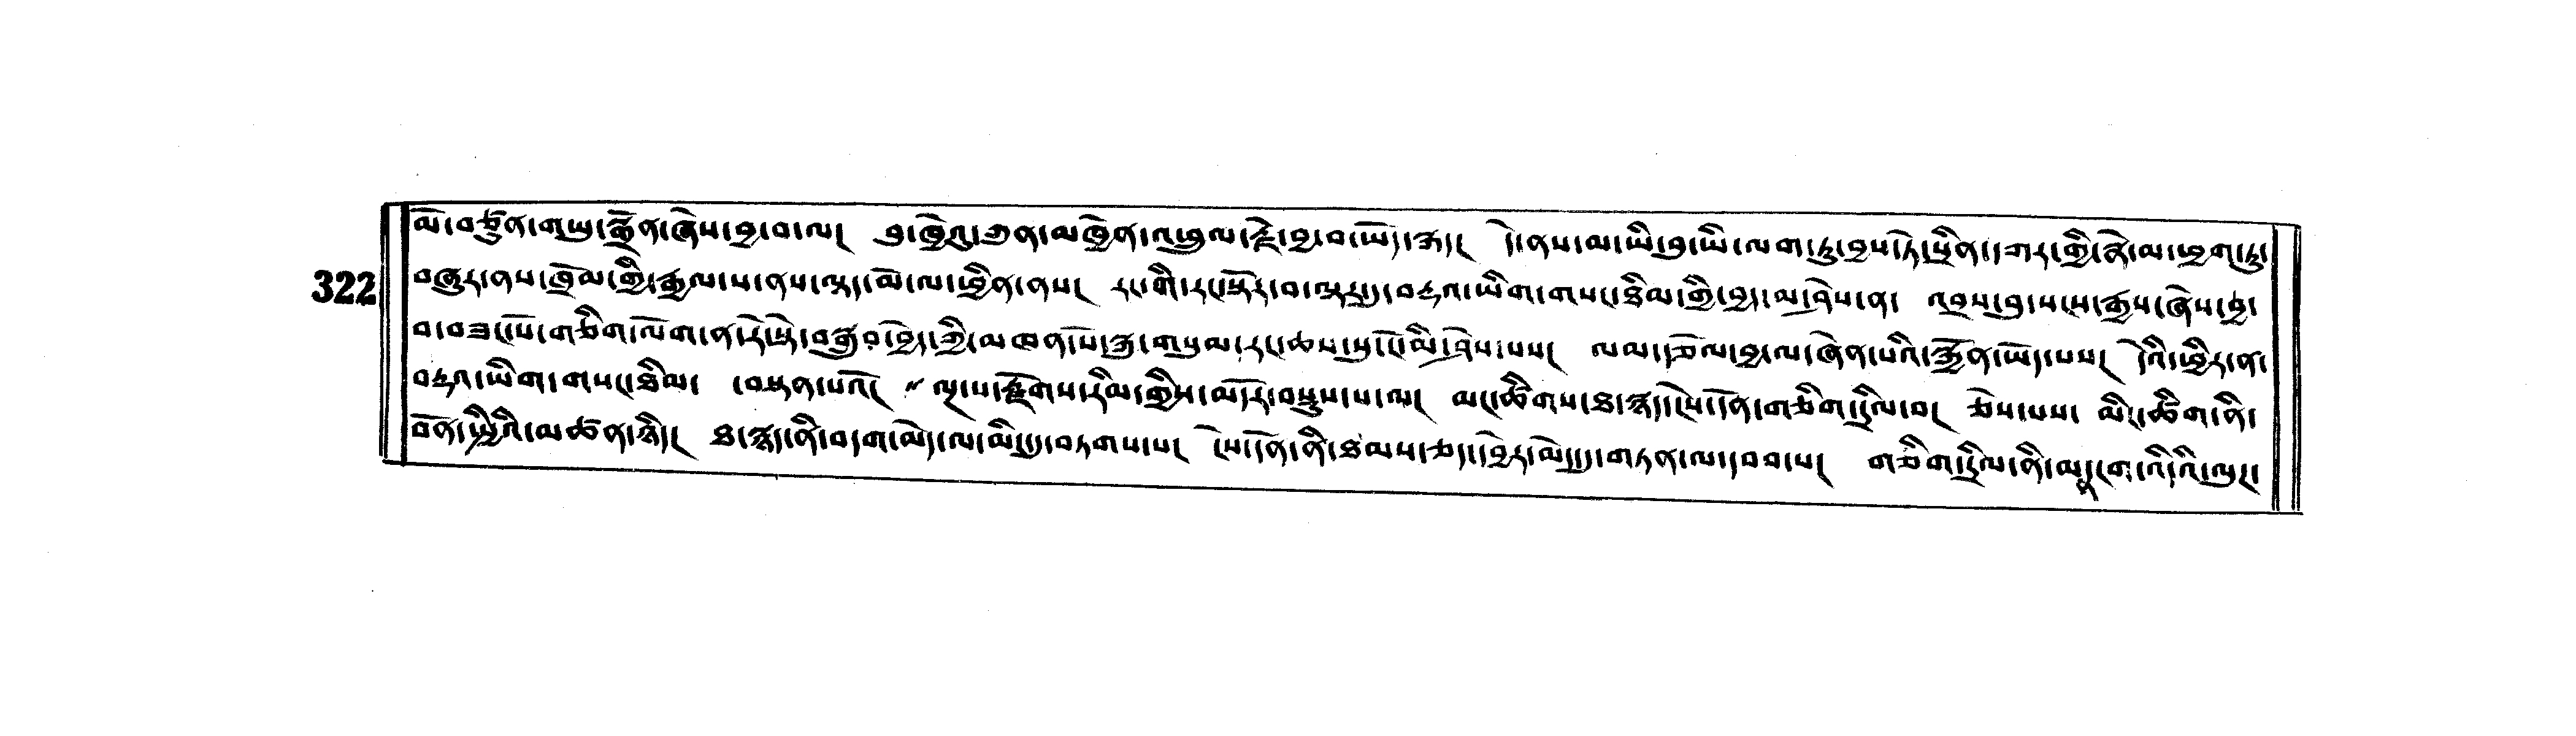མོ་བཙུན་གཡུ་སྒྲོན་ཞེས་བྱ་བ་ལ། བུ་ཁྱེའུ་ཀུན་མཁྱེན་འཕྲུལ་རྗེ་བྱ་བ་ཡོད་སྐད། དེ་ནས་མ་ཡི་བུ་ཡི་ལག་ཏུ་བྱས་ཏེ་སྲིན་དཀར་གྱི་སྣེ་ལ་ཕྱག་ཏུ་
བཞུར་ནས་ཁྲོམ་གྱི་རྒྱལ་ས་ནས་ལྟད་མོ་ལ་ཕྱིན་ནས། རང་གིས་རང་སྟོར་བ་ལྟར་དུ་བརྡ་ཡིག་གསང་ཐེམ་གྱི་བྱད་མ་ཤེས་ན། འབྲས་བུ་སངས་རྒྱས་ཞེས་བྱ་
བ་བཟང་པོ་ཞིག་ལོགས་ན་རེ་སྟེ་སྒྲུབ་བྱེད་ཀྱི་མཁན་པོ་སྐུ་གསུམ་རང་ཆས་སུ་ངོ་མི་ཤེས་པས་ལམ་རྩོལ་བྱ་ལ་ཞེན་པའི་སྐྱོན་ཡོད་པས། དེའི་ཕྱིར་ན་
བརྡ་ཡིག་གསང་ཐེམ་བསྟན་པའོ། ༧ ལྔ་པ་རྫོགས་རིམ་གྱིས་མདོར་བསྡུས་པ་ལ། མང་ཚིགས་ཐ་སྙད་ངེས་དོན་གཅིག་དྲིལ་བ། ཅེས་པས། མིང་ཚིག་ནི་
བོན་སྤྱིའི་མཚན་ཉིད། ཐ་སྙད་ནི་བདག་མེད་ལ་མིང་དུ་བཏགས་པ། ངེས་དོན་ནི་ཐམས་ཅད་དབྱེར་མེད་དུ་གཏན་ལ་ཕབ་པ། གཅིག་དྲིལ་ནི་གདམས་ངག་འདིའི་ལུགས།